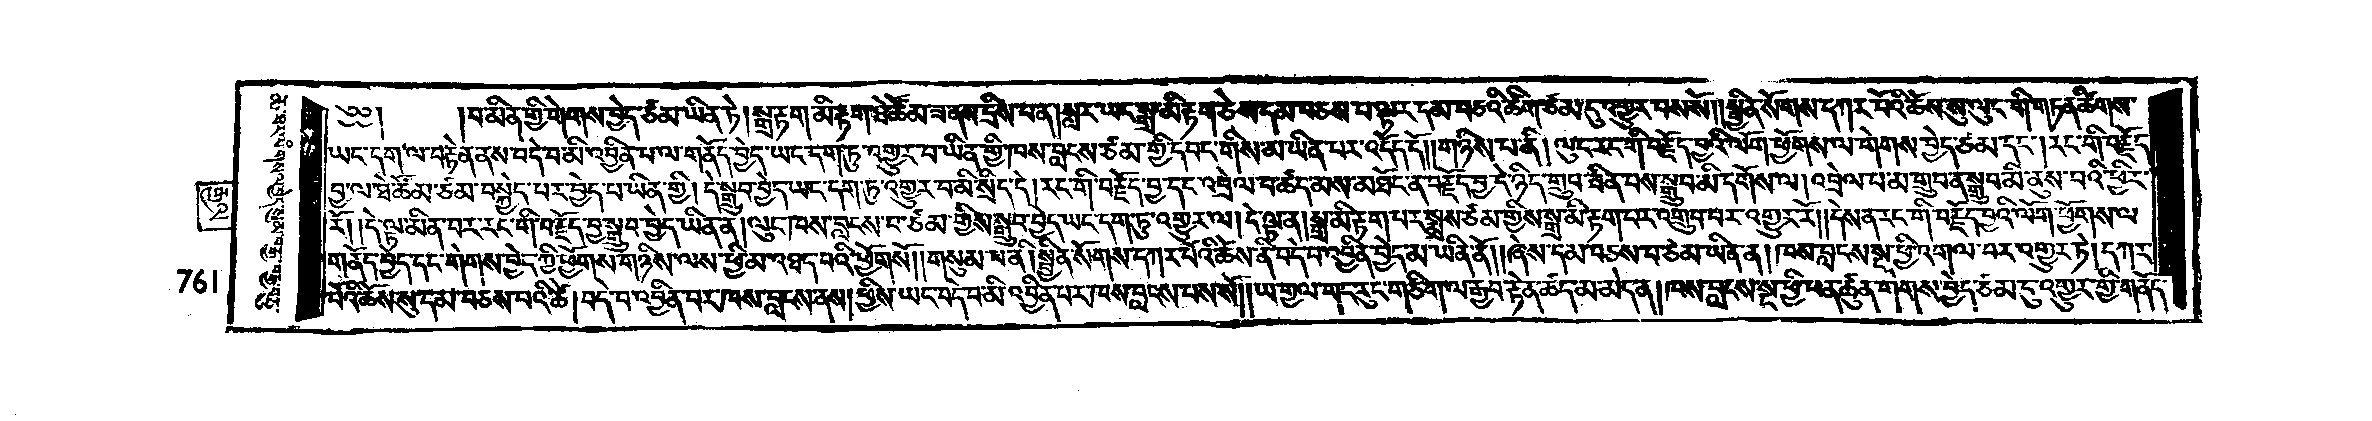༄༅། །བ་མིན་གྱི་གེགས་བྱེད་ཙམ་ཡིན་ཏེ། སྒྲ་རྟག་མི་རྟག་ཐེ་ཚོམ་ཟ་ནས་དྲིས་པ་ན། སླར་ཡང་སྒྲ་མི་རྟག་ཅེས་དམ་བཅས་པ་ལྟར་དམ་བཅའི་ཚིག་ཙམ་དུ་འགྱུར་བས་སོ། །སྦྱིན་སོགས་དཀར་པོའི་ཆོས་སུ་ལུང་གི་གཏན་ཚིགས་
ཡང་དག་ལ་བརྟེན་ནས་བདེ་བ་མི་འབྱིན་པ་ལ་གནོད་བྱེད་ཡང་དག་ཏུ་འགྱུར་བ་ཡིན་གྱི་ཁས་བླངས་ཙམ་གྱི་དབང་གིས་མ་ཡིན་པར་འདོད་དོ། །གཉིས་པ་ནི། ལུང་རང་གི་བརྗོད་བྱའི་ལོག་ཕྱོགས་ལ་གེགས་བྱེད་ཙམ་དང་། རང་གི་བརྗོད་
བྱ་ལ་ཐེ་ཚོམ་ཙམ་བསྐྱེད་པར་བྱེད་པ་ཡིན་གྱི། དེ་སྒྲུབ་བྱེད་ཡང་དག་ཏུ་འགྱུར་བ་མི་སྲིད་དེ། རང་གི་བརྗོད་བྱ་དང་འབྲེལ་བ་ཚད་མས་མཐོང་ན་བརྗོད་བྱ་དེ་ཉིད་གྲུབ་ཟིན་པས་སྒྲུབ་མི་དགོས་ལ། འབྲེལ་བ་མ་གྲུབ་ན་སྒྲུབ་མི་ནུས་པའི་ཕྱིར་
རོ། །དེ་ལྟ་མིན་པར་རང་གི་བརྗོད་བྱ་སྒྲུབ་བྱེད་ཡིན་ན། ལུང་ཁས་བླངས་པ་ཙམ་གྱིས་སྒྲུབ་བྱེད་ཡང་དག་ཏུ་འགྱུར་ལ། དེ་ལྟ་ན། སྒྲ་མི་རྟག་པར་སྨྲས་ཙམ་གྱིས་སྒྲ་མི་རྟག་པར་འགྲུབ་པར་འགྱུར་རོ། །དེས་ན་རང་གི་བརྗོད་བྱའི་ལོག་ཕྱོགས་ལ་
གནོད་བྱེད་དང་འགེགས་བྱེད་ཀྱི་ཕྱོགས་གཉིས་ལས་ཕྱི་མ་འཐད་པའི་ཕྱོགས་སོ། །གསུམ་པ་ནི། སྦྱིན་སོགས་དཀར་པོའི་ཆོས་ནི་བདེ་བ་འབྱིན་བྱེད་མ་ཡིན་ནོ། །ཞེས་དམ་བཅས་པ་ཙམ་ཡིན་ན། ཁས་བླངས་སྔ་ཕྱི་འགལ་བར་འགྱུར་ཏེ། དཀར་
པོའི་ཆོས་སུ་དམ་བཅས་པའི་ཚེ། བདེ་བ་འབྱིན་པར་ཁས་བླངས་ནས། ཕྱིས་ཡང་བདེ་བ་མི་འབྱིན་པར་ཁས་བླངས་སོ། །ཡ་གྱལ་གང་རུང་གཅིག་ལ་རྒྱབ་བརྟེན་ཚད་མ་མེད་ན། ཁས་བླངས་སྔ་ཕྱི་ཕན་ཚུན་གེགས་བྱེད་ཙམ་དུ་འགྱུར་གྱི་གནོད་